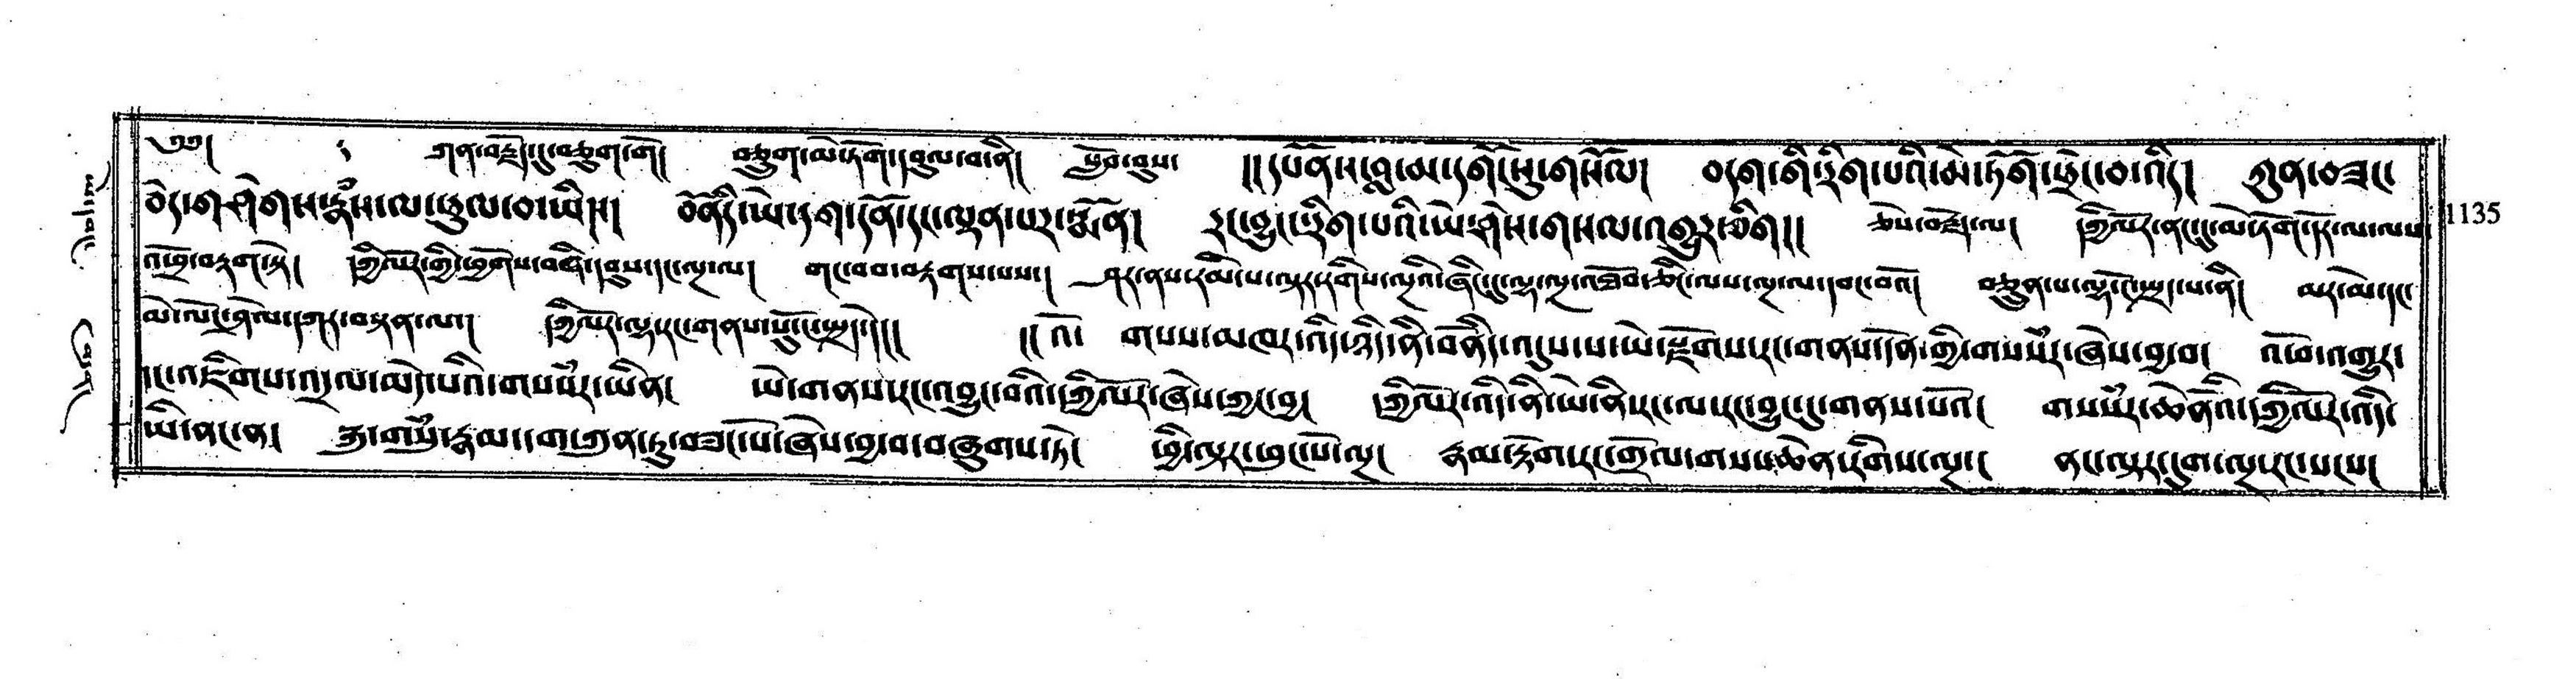ཀན་བརྗོད་དུ་བཅུག་གོ། བཅུ་དྲུག་མེ་ཏོག་དབུལ་བ་ནི། སློབ་བུས་།།དཔོན་གསས་བླ་མ་དགོངས་སུ་གསོལ། བདག་གི་རིག་པའི་མེ་ཏོག་ཕྲེང་བ་འདི། ཀུན་བཟང་
བདེ་གཤེགས་རྣམས་ལ་ཕུལ་བ་ཡིས། བོན་ཉིད་ཡེ་དག་དོན་དང་ལྡན་པར་སྨོན། རང་བྱུང་རིག་པའི་ཡེ་ཤེས་གསལ་འགྱུར་ཅིག ཅེས་བརྗོད་ལ། དཀྱིལ་འཁོར་ནང་དུ་མེ་ཏོག་དོར་ལ་ལས་
འཕྲོ་བརྟག་སྟེ། དཀྱིལ་འཁོར་གྱི་ཕྱོགས་བཞི་དབུས་དང་ལྔ་ལ། གང་བབ་བརྟགས་པས། ཤར་ནས་རིམ་པ་ལྟར་རིགས་ལྔའི་ཞིང་དུ་ལྷ་ལྔ་འཐོབ་ཅིང་ལས་ལྔ་ལ་དབང་བའོ། བཅུ་བདུན་པ་ལྷ་ངོ་སྤྲད་པ་ནི། མར་མེ་དང་
མེ་ལོང་ཤེལ་དཀར་བསྟན་ལ། དཀྱིལ་འཁོར་ལྷ་རང་གནས་སུ་ངོ་སྤྲད་དེ།། །།འོ་གསས་མཁར་འདི་ཉིད་ནི་བོན་ཉིད་འདུས་པ་ཡེ་རྫོགས་རང་གནས་དོན་གྱི་གསས་མཁར་ཞེས་བྱ་བ། འཕོ་འགྱུར་
དང་འཇིགས་འདྲལ་མེད་པའི་གསས་མཁར་ཡིན། ཡེ་གནས་རང་འབྱུང་བའི་དཀྱིལ་འཁོར་ཞེས་ཀྱང་བྱ། དཀྱིལ་འཁོར་འདི་ནི་ཡེ་ནི་རང་ལ་རང་བྱུང་དུ་གནས་པའོ། གསས་མཁར་ཆེན་པོའི་དཀྱིལ་འཁོར་འདི་
ཡི་ནང་ན། སྐུ་གསུམ་རྣམ་དག་ཀུན་ཏུ་བཟང་པོ་ཞེས་བྱ་བ་བཞུགས་ཏེ། ཕྱི་ལྟར་ཕུང་པོ་ལྔ། རྣམ་རྟོག་རང་གྲོལ་གསས་ཆེན་རིགས་ལྔ། ནང་ལྟར་དུག་ལྔ་རང་སངས།